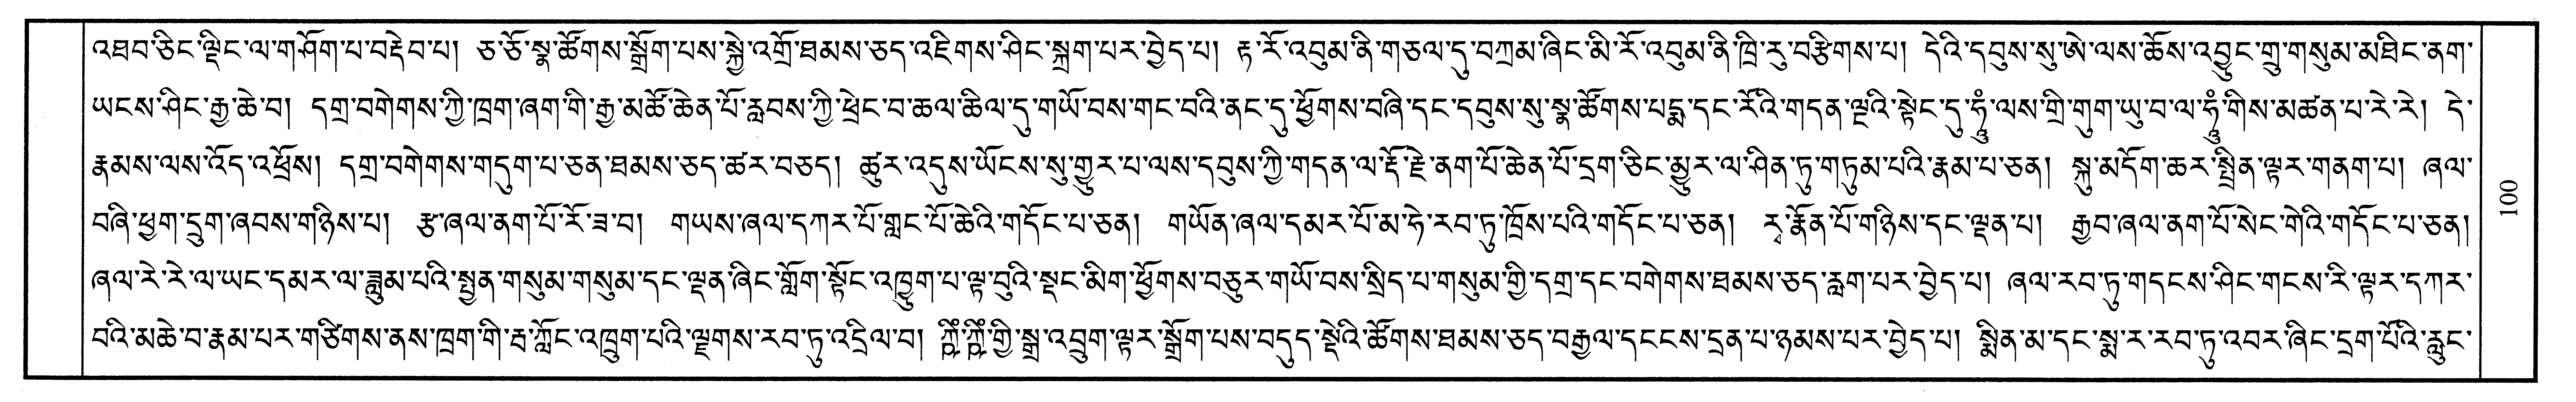འཐབ་ཅིང་ལྡིང་ལ་གཤོག་པ་བརྡེབ་པ། ཅ་ཅོ་སྣ་ཚོགས་སྒྲོག་པས་སྐྱེ་འགྲོ་ཐམས་ཅད་འཇིགས་ཤིང་སྐྲག་པར་བྱེད་པ། རྟ་རོ་འབུམ་ནི་གཅལ་དུ་བཀྲམ་ཞིང་མི་རོ་འབུམ་ནི་ཁྲི་རུ་བརྩིགས་པ། དེའི་དབུས་སུ་ཨེ་ལས་ཆོས་འབྱུང་གྲུ་གསུམ་མཐིང་ནག་
ཡངས་ཤིང་རྒྱ་ཆེ་བ། དགྲ་བགེགས་ཀྱི་ཁྲག་གི་རྒྱ་མཚོ་ཆེ་པོ་རླབས་ཀྱི་ཕྲེང་བ་ཆལ་དུ་གཡོ་བས་གང་བའི་ནང་དུ་ཕྱོགས་བཞི་དང་དབུས་སུ་སྣ་ཚོགས་པདམ་དང་རོའི་གདན་ལྔའི་སྟེང་དུ་ཧཱུཾ་ལས་གྲི་གུག་ཡུ་བ་ལ་ཧཱུཾ་གིས་མཚན་པ་རེ་རེ། དེ་
རྣམས་ལས་འོད་འཕྲོས། དགྲ་བགེགས་གདུག་པ་ཅན་ཐམས་ཅད་ཚར་བཅད། ཚུར་འདུས་ཡོངས་སུ་གྱུར་པ་ལས་དབུས་ཀྱི་གདན་ལ་རྡོ་རྗེ་ནག་པོ་ཆེན་པོ་དྲག་ཅིང་མྱུར་ལ་ཤིན་ཏུ་གཏུམ་པའི་རྣམ་པ་ཅན། སྐུ་མདོག་ཆར་སྤྲིན་ལྟར་གནག་པ། ཞལ་
བཞི་ཕྱག་དྲུག་ཞབས་གཉིས་པ། རྩ་ཞལ་ནག་པོ་རོ་ཟ་བ། གཡས་ཞལ་དཀར་པོ་གླང་པོ་ཆེའི་གདོང་པ་ཅན། གཡོན་ཞལ་དམར་པོ་མ་ཧེ་རབ་ཏུ་ཁྲོས་པའི་གདོང་པ་ཅན། རྭ་རྣོན་པོ་གཉིས་དང་ལྡན་པ། རྒྱབ་ཞལ་ནག་པོ་སེང་གེའི་གདོང་པ་ཅན།
ཞལ་རེ་རེ་ལ་ཡང་དམར་ལ་ཟླུམ་པའི་སྤྱན་གསུམ་གསུམ་དང་ལྡན་ཞིང་གློག་སྟོང་འཁྱུག་པ་ལྟ་བུའི་སྡང་མིག་ཕྱོགས་བཅུར་གཡོ་བས་སྲིད་པ་གསུམ་གྱི་དགྲ་དང་བགེགས་ཐམས་ཅད་རླག་པར་བྱེད་པ། ཞལ་རབ་ཏུ་གདངས་ཤིང་གངས་རི་ལྟར་དཀར་
བའི་མཆེ་བ་རྣམ་པར་གཙིགས་ནས་ཁྲག་གི་རྦ་ཀློང་འཁྲུག་པའི་ལྗགས་རབ་ཏུ་འདྲིལ་བ། ཀྵིཾ་ཀྵིཾ་གྱི་སྒྲ་འབྲུག་ལྟར་སྒྲོག་པས་བདུད་སྡེའི་ཚོགས་ཐམས་ཅད་བརྒྱལ་དངངས་དྲན་པ་ཉམས་པར་བྱེད་པ། སྨིན་མ་དང་སྨ་ར་རབ་ཏུ་འབར་ཞིང་དྲག་པོའི་རླུང་